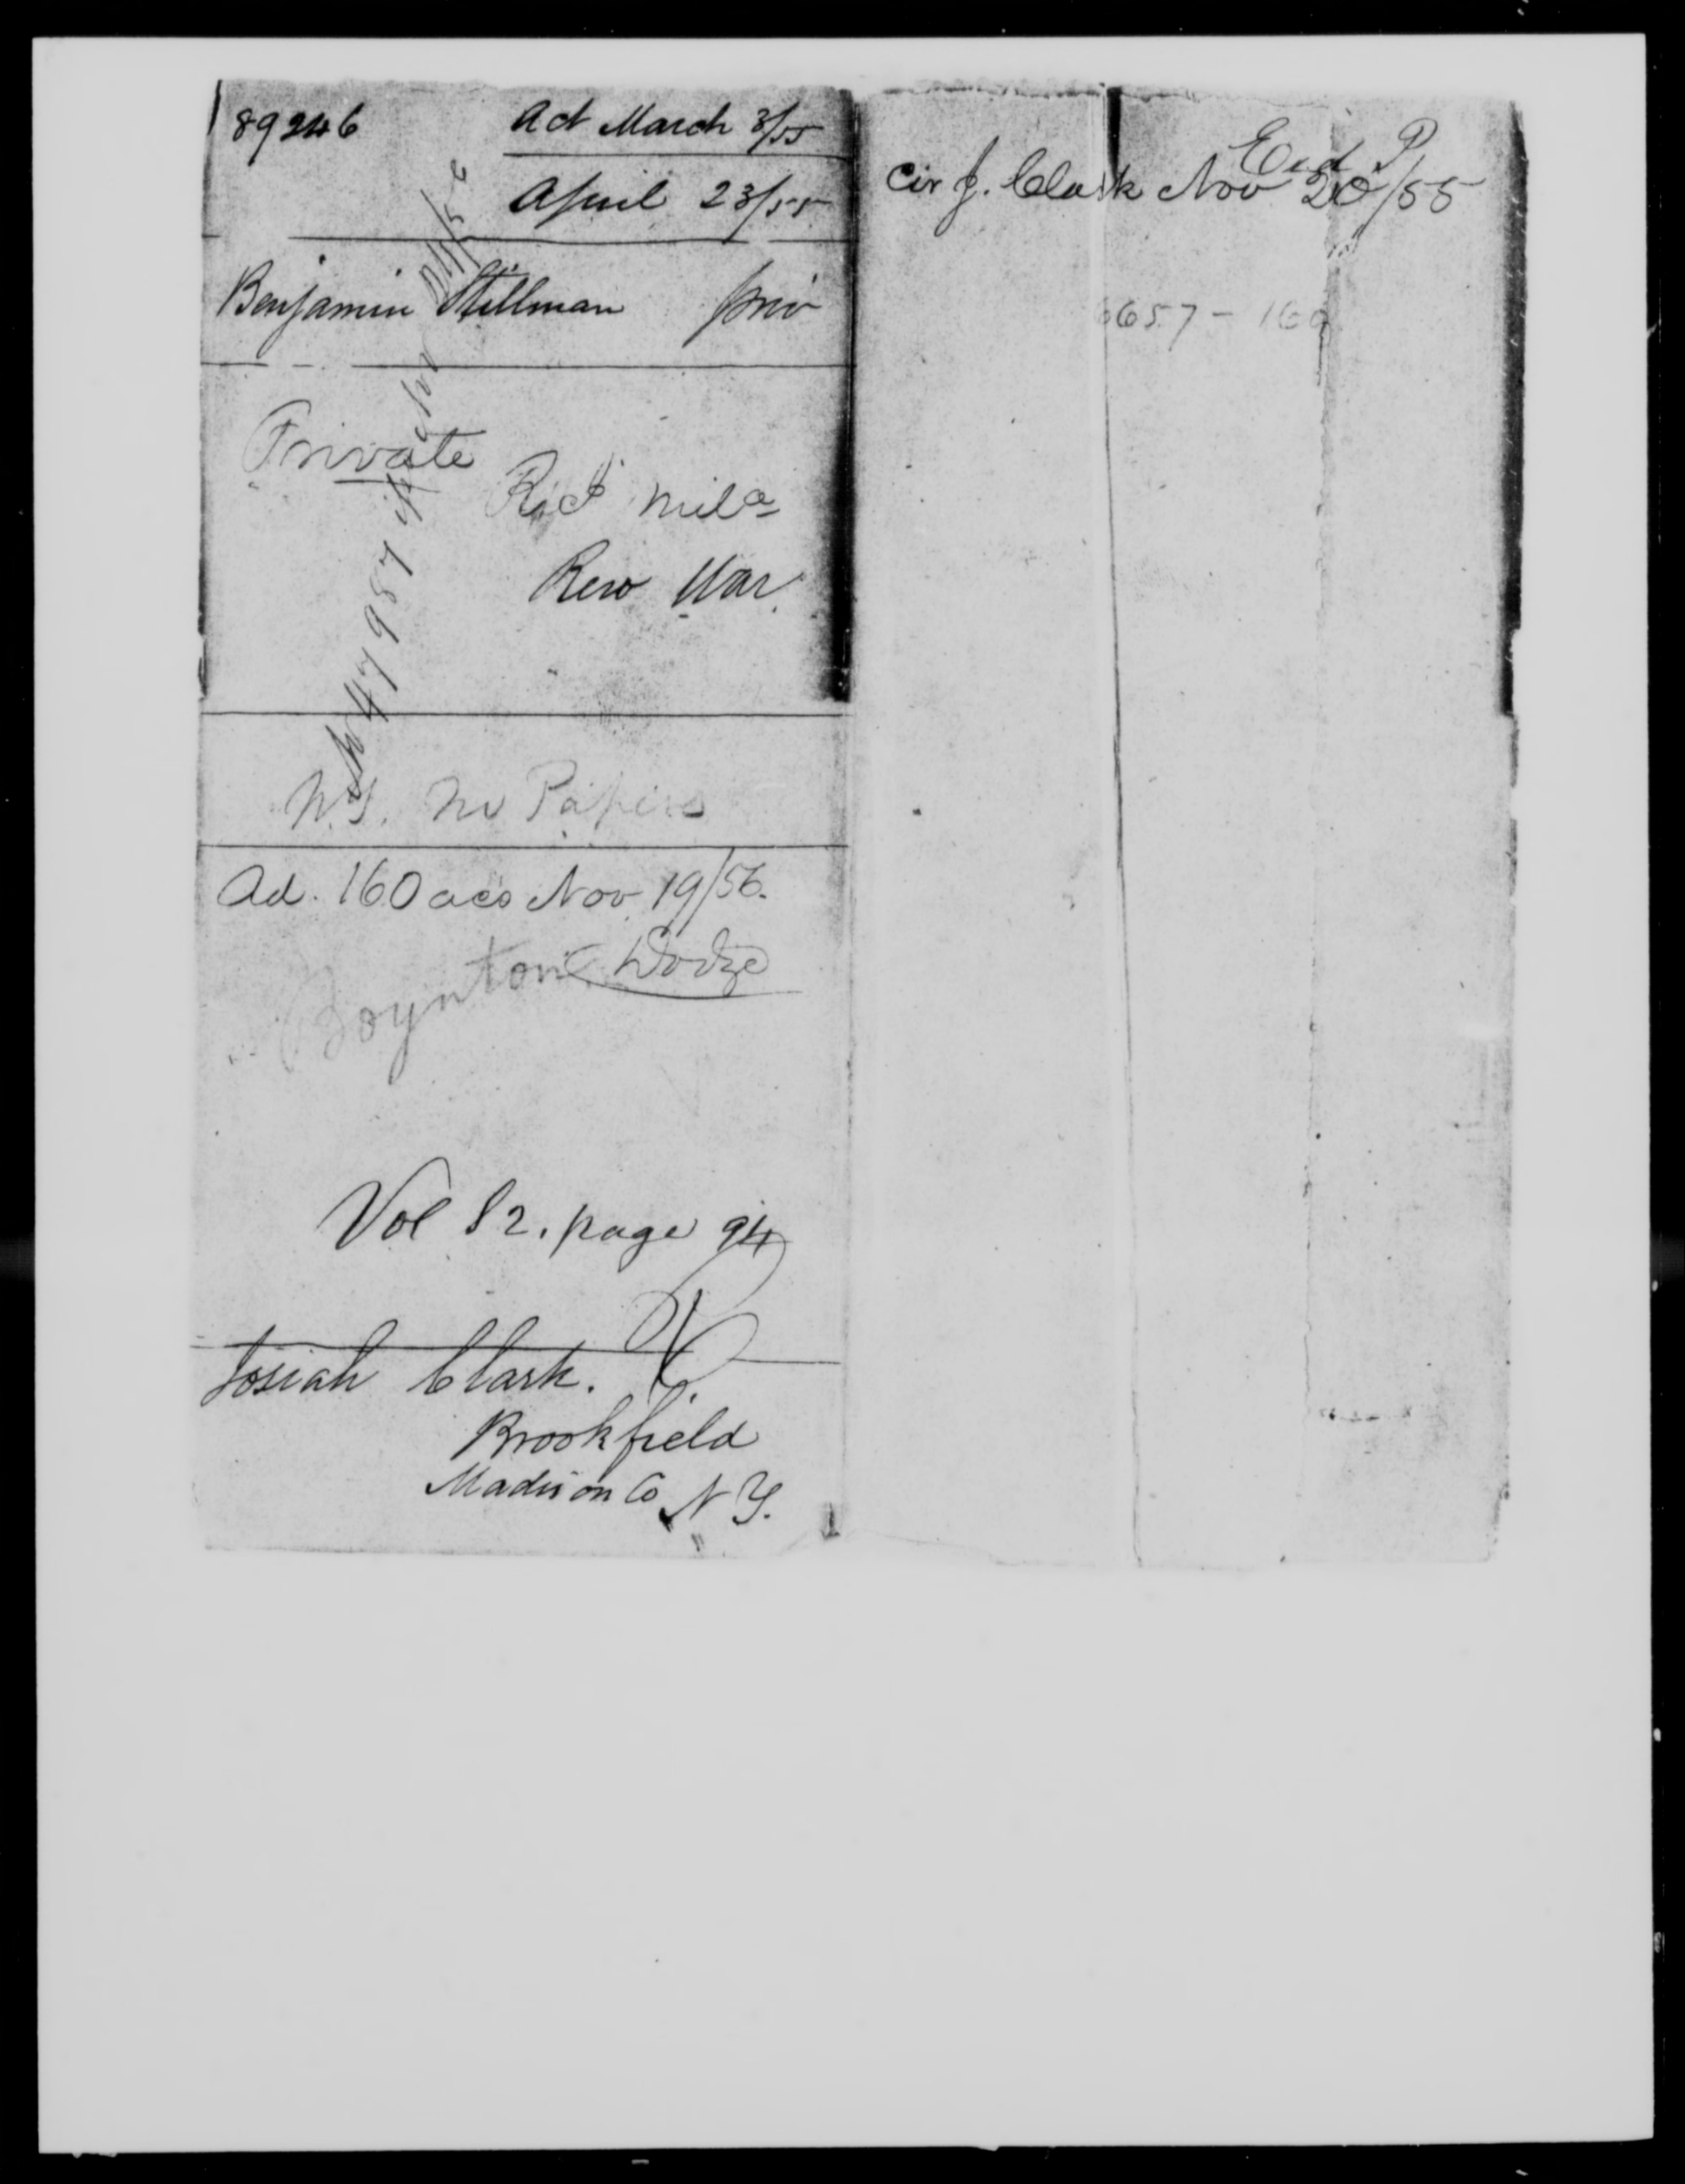[vertical writing over the other writing] W 47987 isd Nov 24/56

89246 
Act March 3/55
April 23/55

Benjamin Stillman priv
Private
R.I. Mila
Rev War

N.Y. no papers

Ad. 160 ac. Nov 18/56
Boynton Dodge
Vol 82. Page 94

Josiah Clark.
Brookfield
Madison Co NY.

[right side]
Exd P
Cir of Clark Nov 20/55
6657-160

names: Josiah Clark; Benjamin Stillman; J Clark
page: 2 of 29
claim: bounty land warrant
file: B.L.Wt.47987-160-55, for Benjamin Stillman, Rhode Island